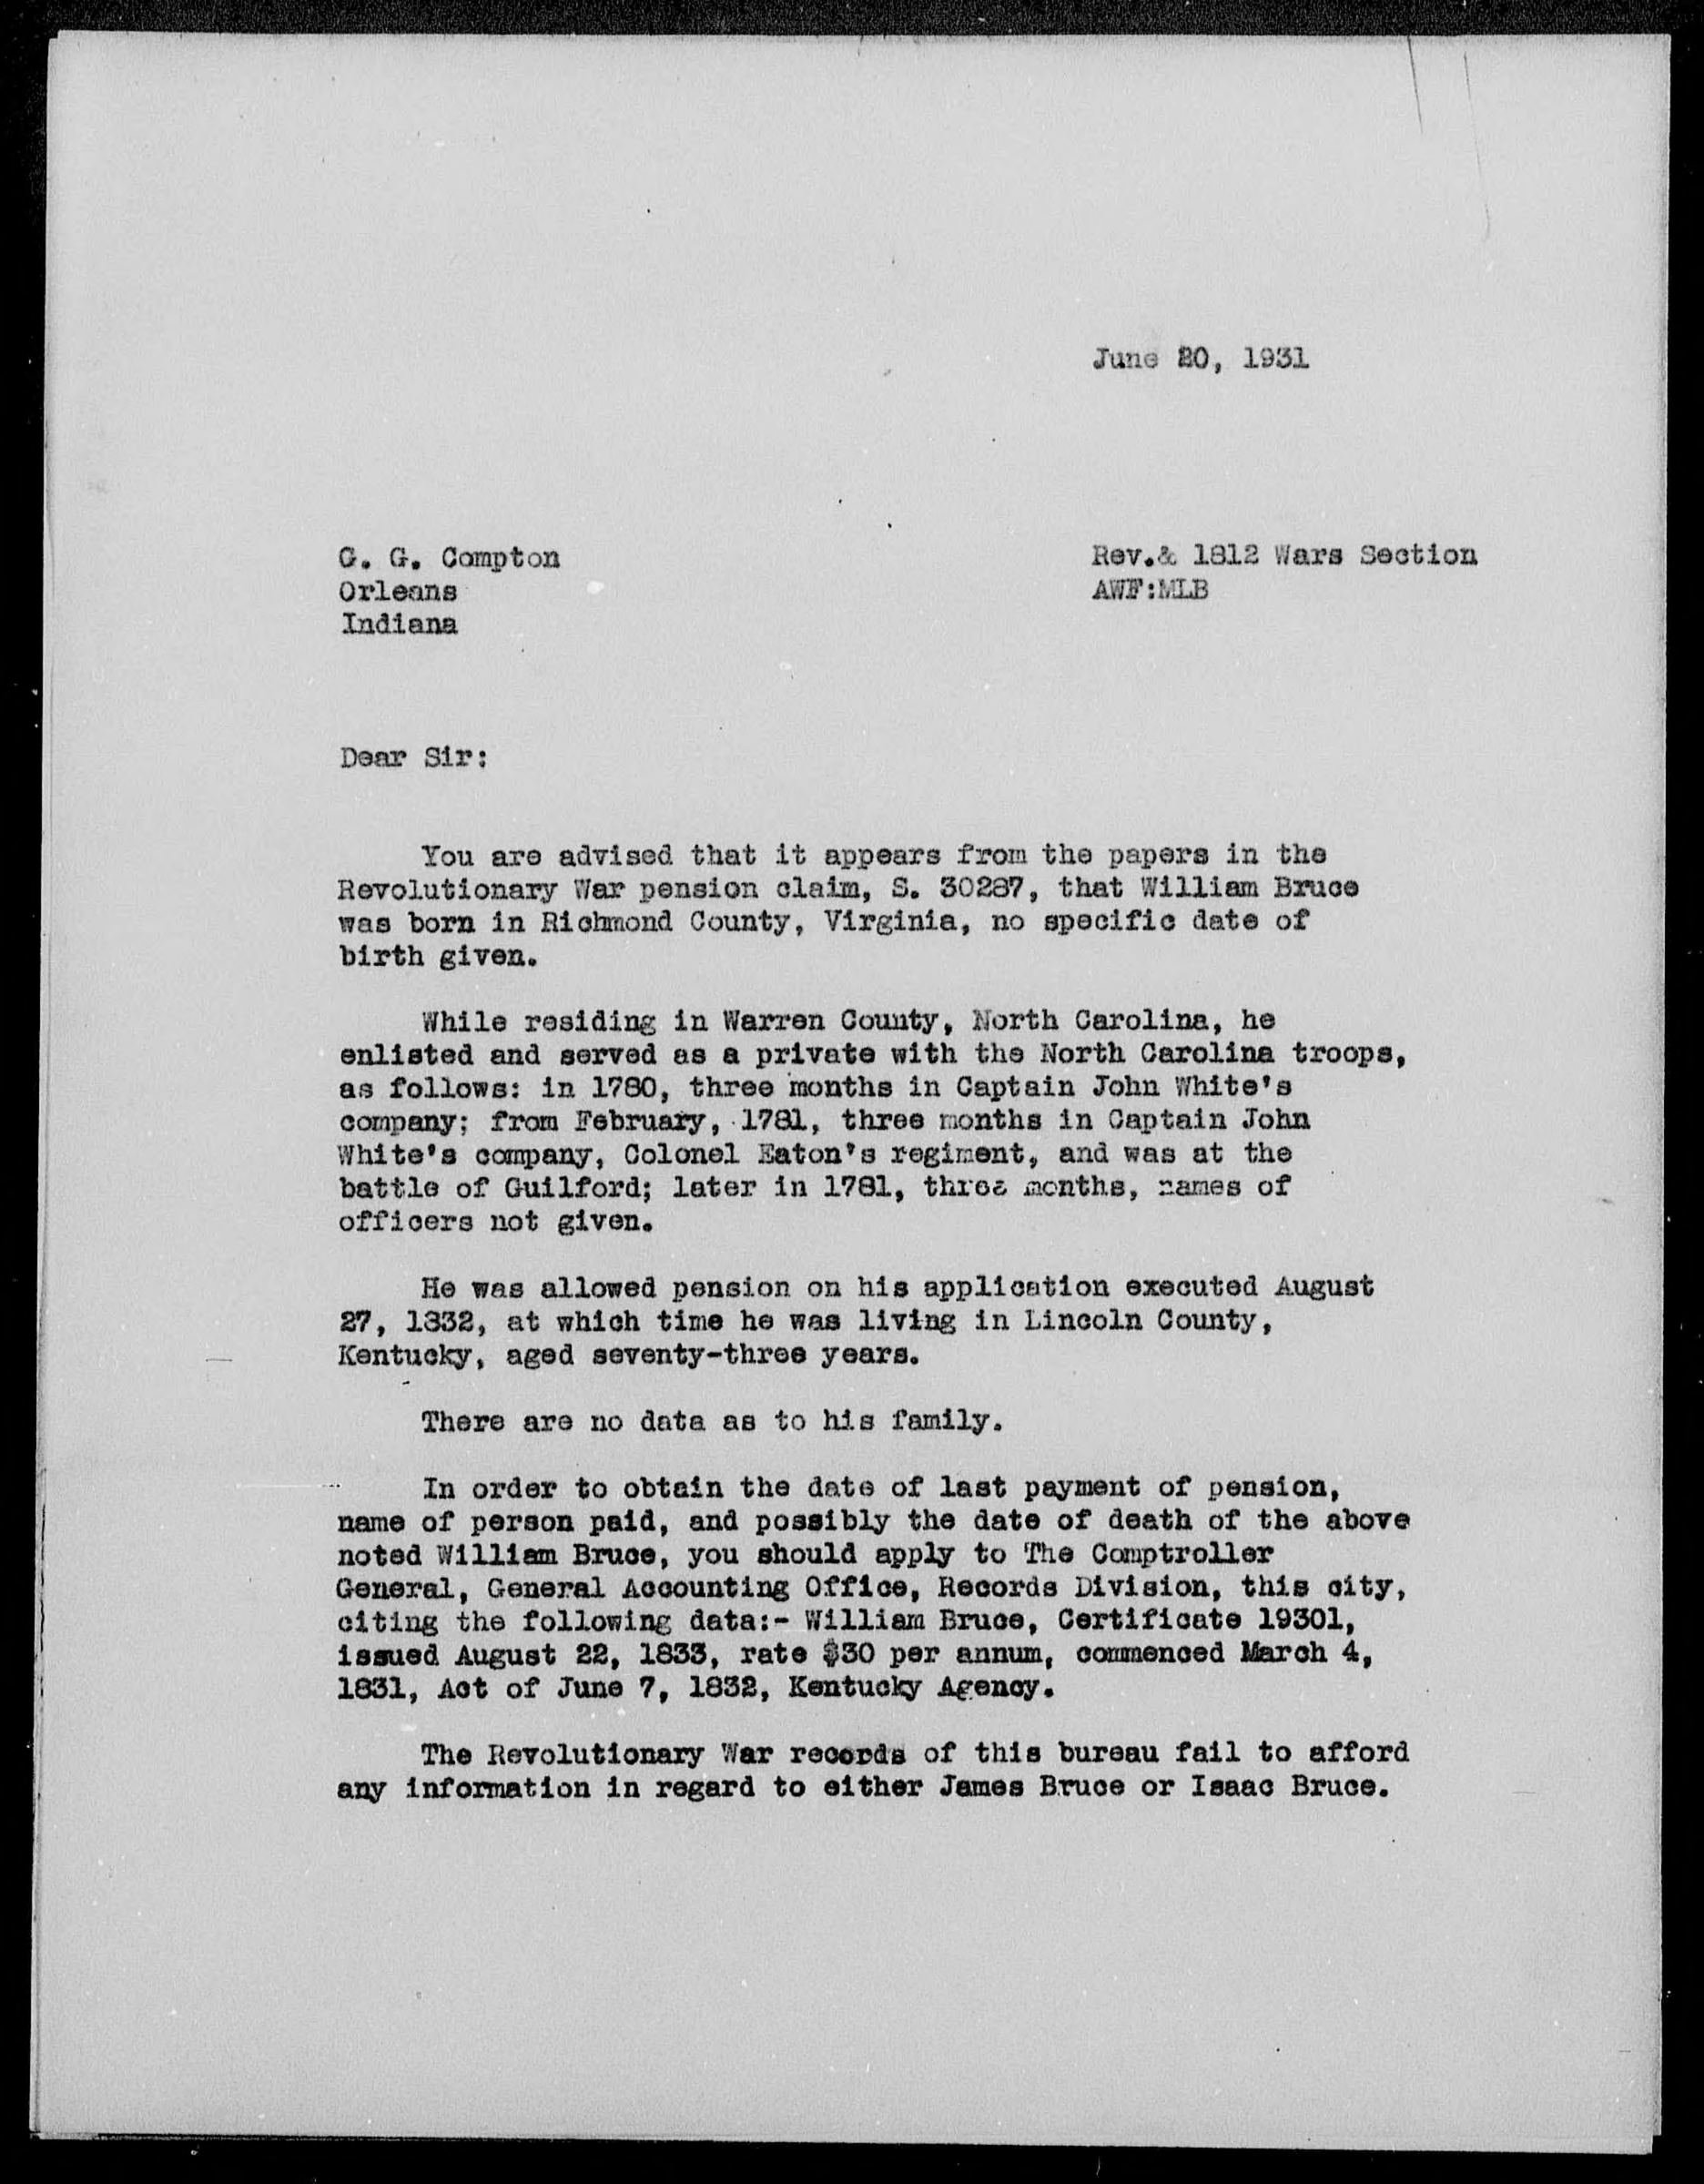[typed form]

June 20, 1931 

Rev. & 1812 Wars Section AWF: MLB

G. G. Compton 
Orleans 
Indiana 

Dear Sir: 

You are advised that it appears from the papers in the Revolutionary War pension claim, S. 30287, that William Bruce was born in Richmond County, Virginia, no specific date of birth given. 

While residing in Warren County, North Carolina, he enlisted and served as a private with the North Carolina troops, as follows: in 1780, three months in Captain John White's company; from February, 1781, three months in Captain John White's company, Colonel Eaton's regiment, and was at the battle of Guilford; later in 1781, three months, names of officers not given. 

He was allowed pension on his application executed August 27, 1832, at which time he was living in Lincoln County, Kentucky, aged seventy-three years. 

There are no data as to his family. 

In order to obtain the date of last payment of pension, name of person paid, and possibly the date of death of the above noted William Bruce, you should apply to The Comptroller General, General Accounting Office, Records Division, this city, citing the following data: - William Bruce, Certificate 19301, issued August 22, 1833, rate $30 per annum, commenced March 4, 1831, Act of June 7, 1832, Kentucky Agency. 

The Revolutionary War records of this bureau fail to afford any information in regard to either James Bruce of Isaac Bruce.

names: William Bruce, G G Compton, Isaac Bruce, James Bruce, William Bruce, William Bruce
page: 37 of 54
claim: survivor's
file: S. 30287, William Bruce, N.C.